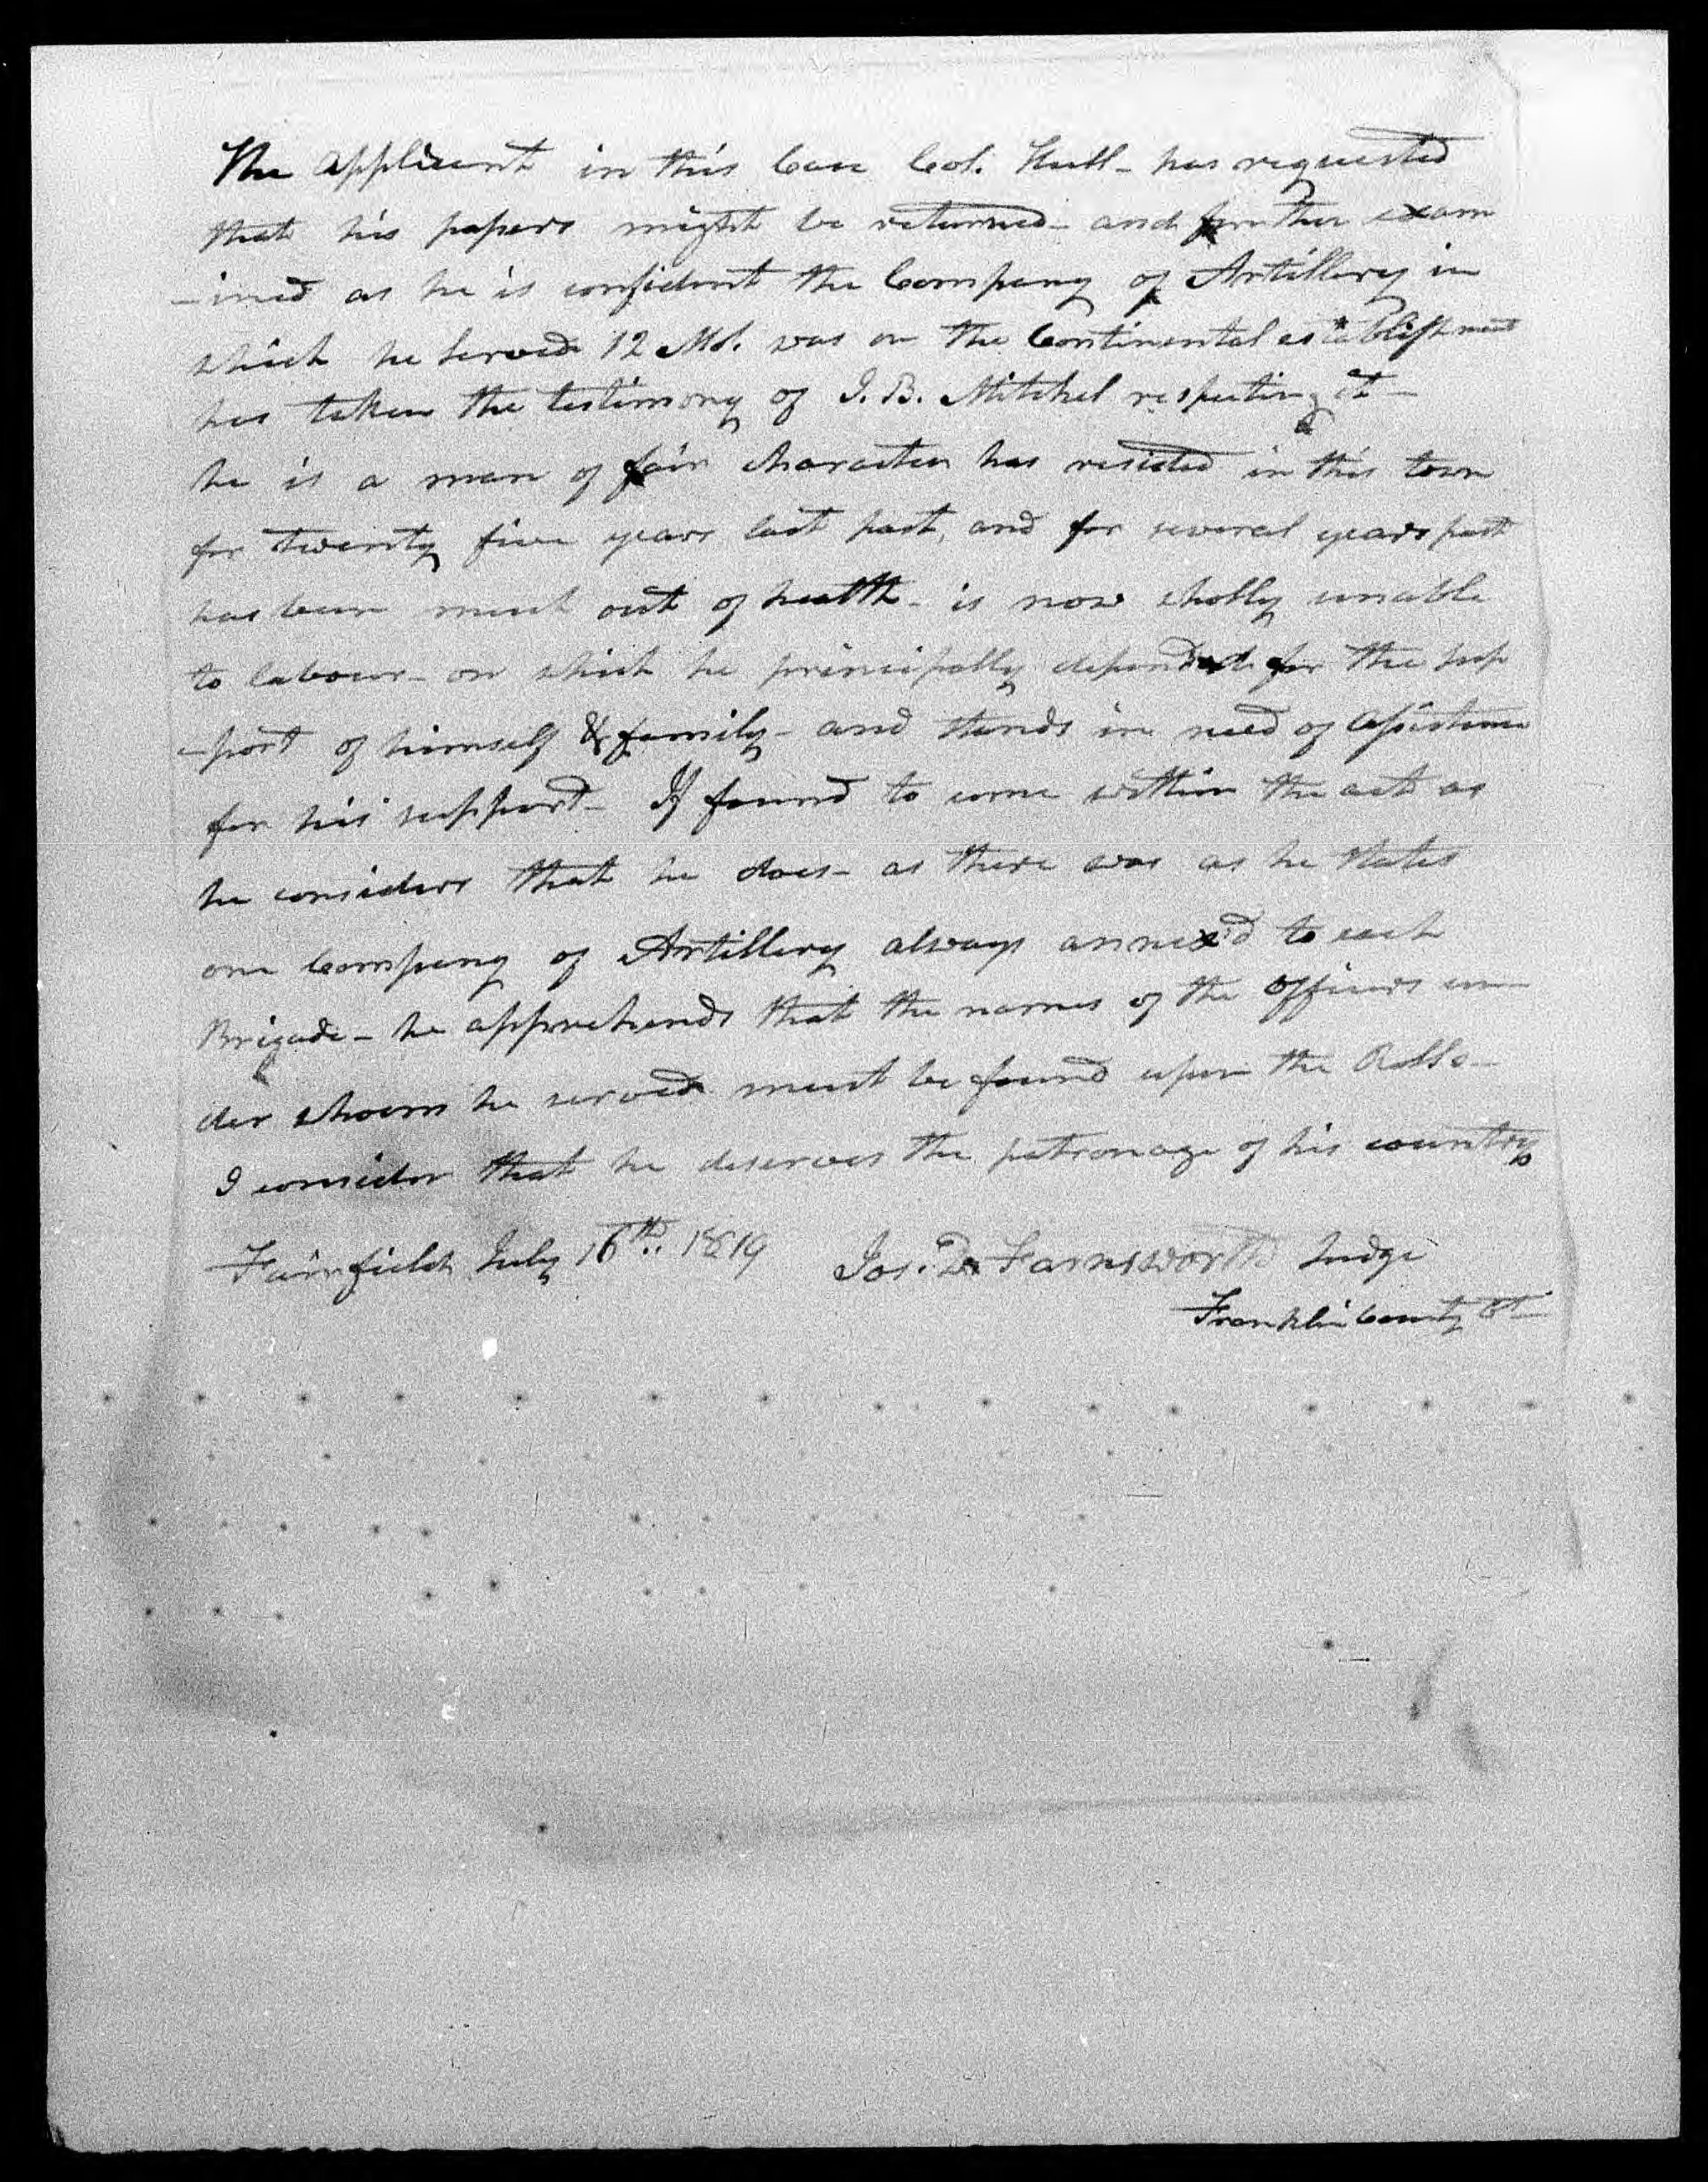The applicant in this case Col. Hull - has requested that his papers might be returned and further examined as he is confident the Company of Artillery in which he served 12 Mo. was on the Continental establishment has taken the testimony of the J. B. Mitchel respecting that he is a man of fair character has visited in this town for twenty five years last month, and for several years last have been month out of health is now wholly unable to laborer on which he financially depended on the Support of himself and family to come within the act of the consideration that he does as there was as he states on Company of Artillery always annexed to each Brigade he apprehended that the names of the officers under whom he served must be formed upon the Rolls I consider that he deserves patronage of his country. 
Fairfield July 16, 1819 
Jos. D. Farnsworth, Judge
Franklin County Court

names: Jos D Farnsworth, Hull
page: 7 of 58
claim: widow's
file: W. 25813, Jehiel Hull, Conn.